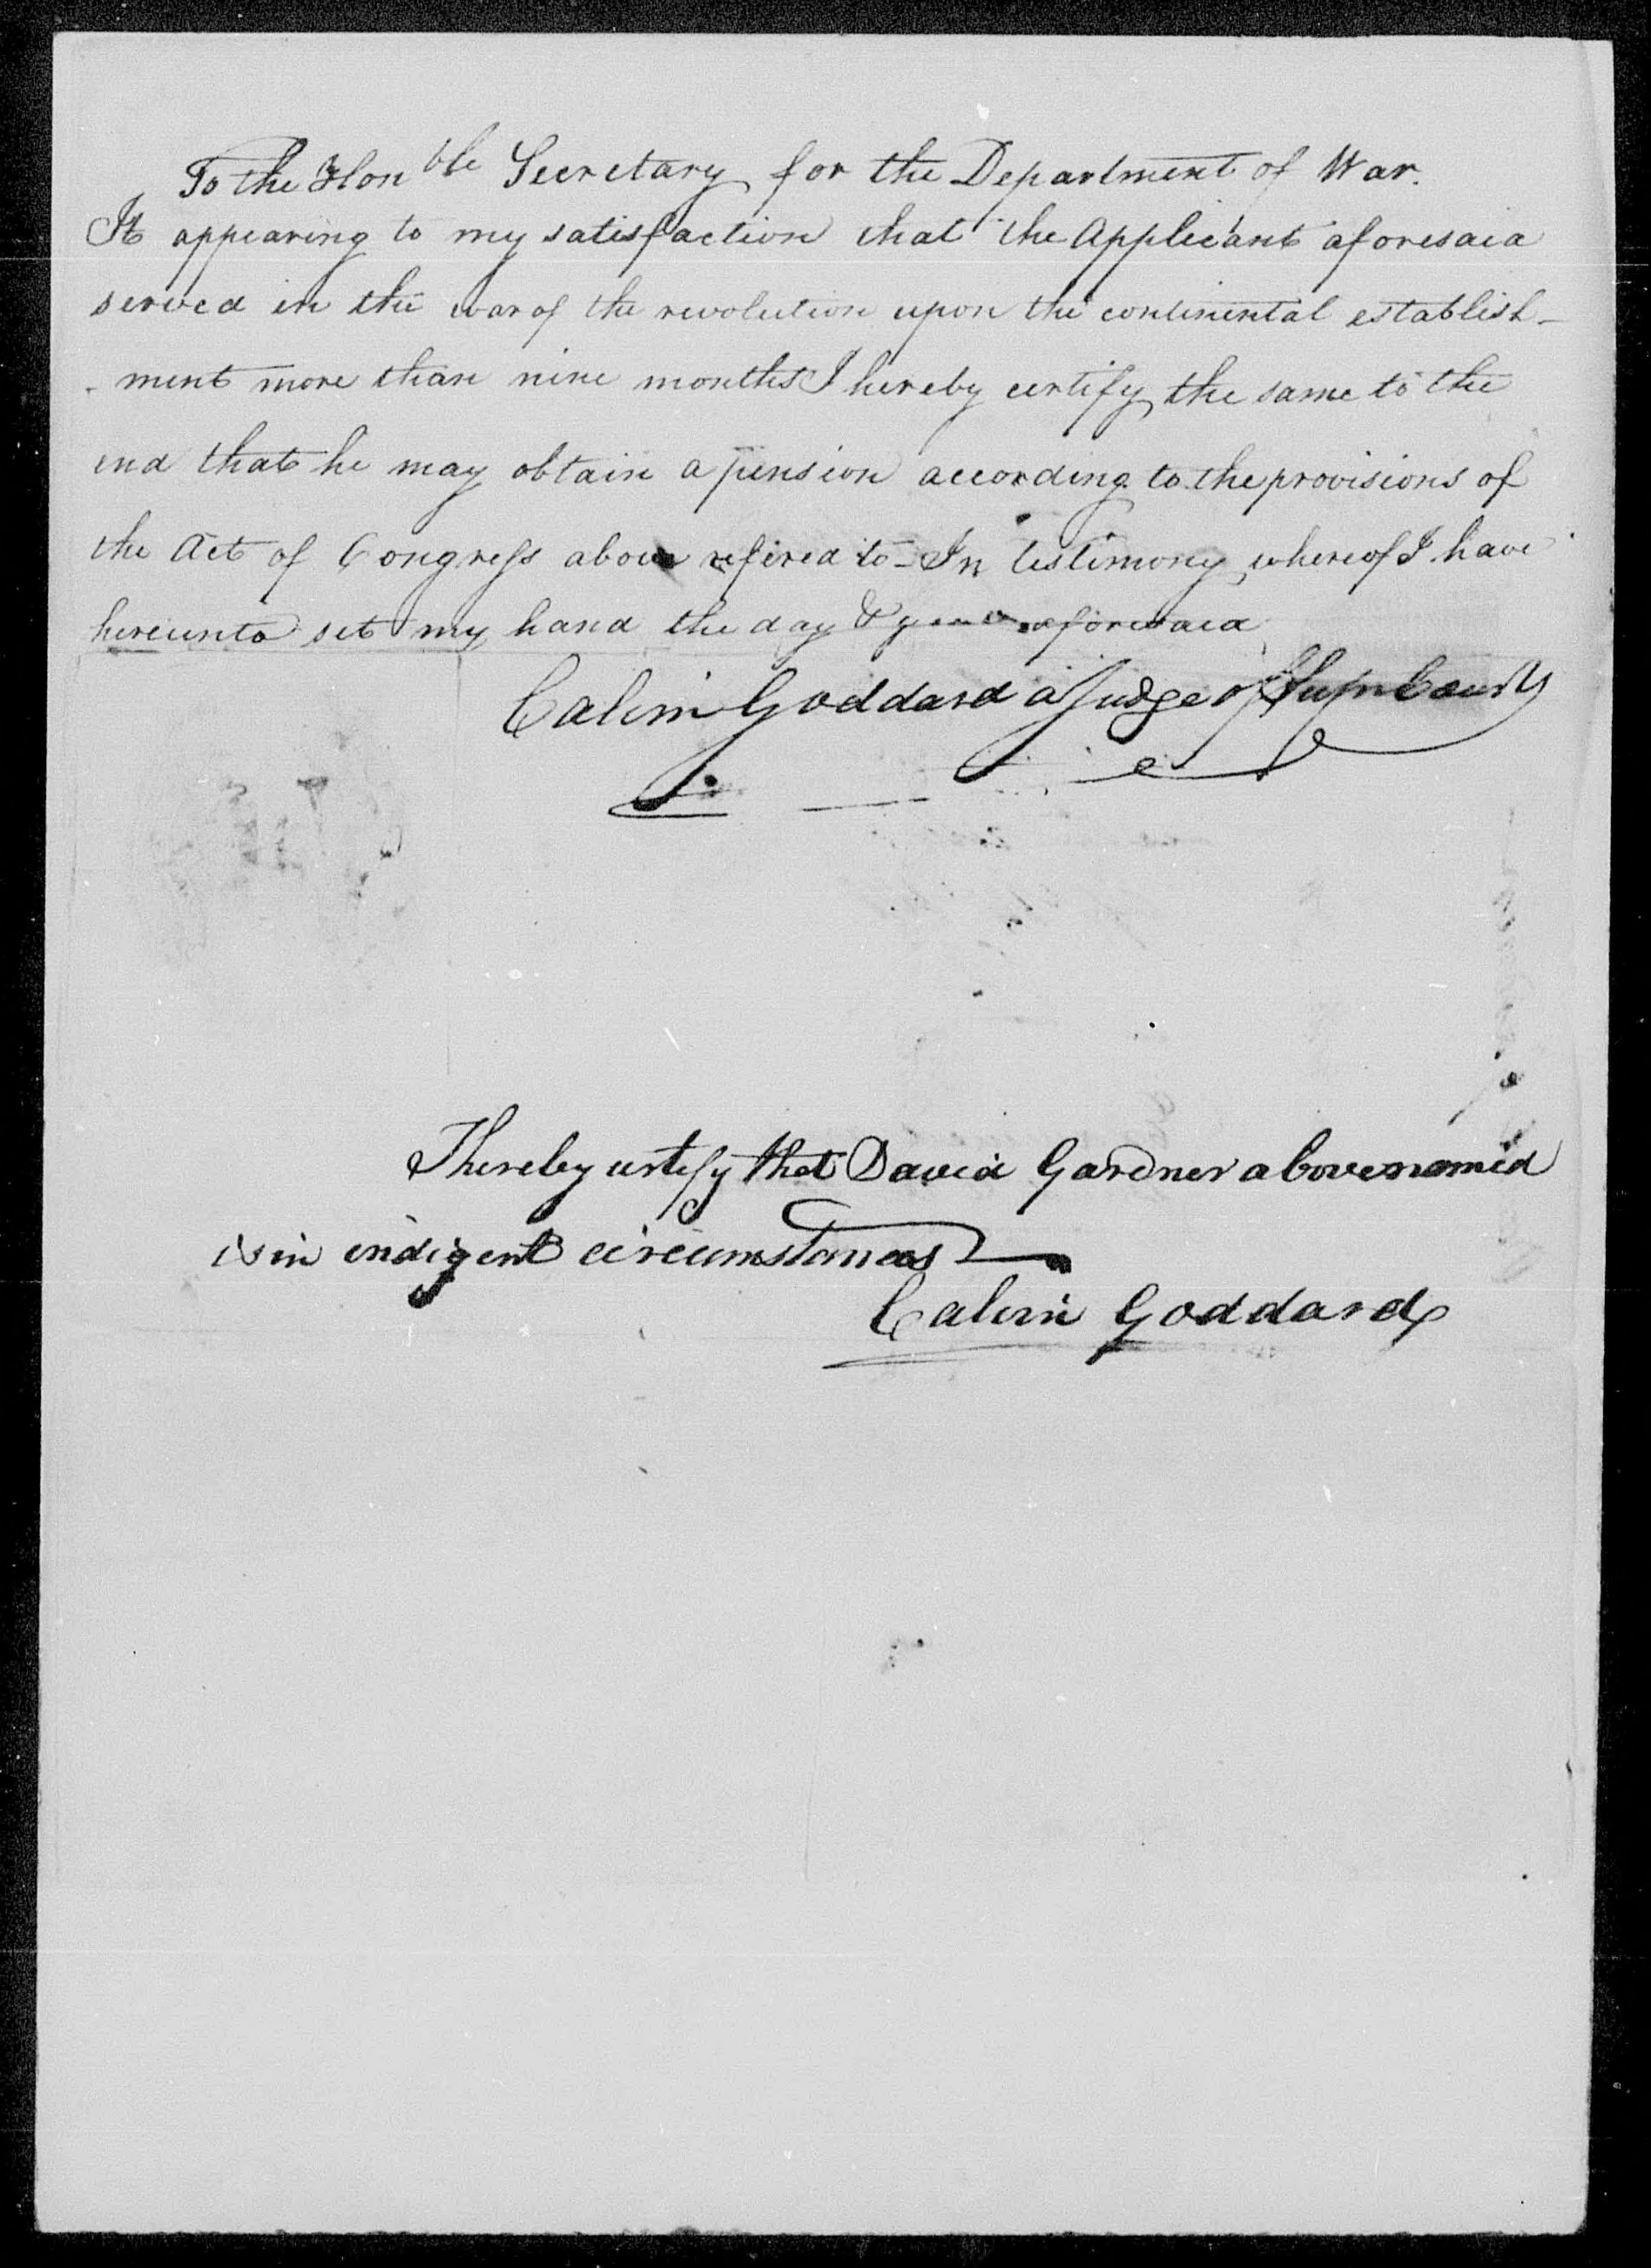To the Honorable Secretary for the Department of War.
It's appearing to my satisfaction that the applicant aforesaid served in the war of the revolution upon the continental establishment
more than nine months. I hereby certify the same to the end that he may obtain a pension according to the provisions of the Act of Congress above referred to. In testimony, whereof I have hereunto set my hand the day & year aforesaid.
Calvin Goddard a Judge of Supreme Court

I hereby certify that David Gardner abovenamed is in indigent circumstances
                          Calvin Goddard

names: Calvin Goddard, Calvin Goddard, David Gardner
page: 8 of 66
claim: widow's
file: W 1850, David Gardner, Conn.